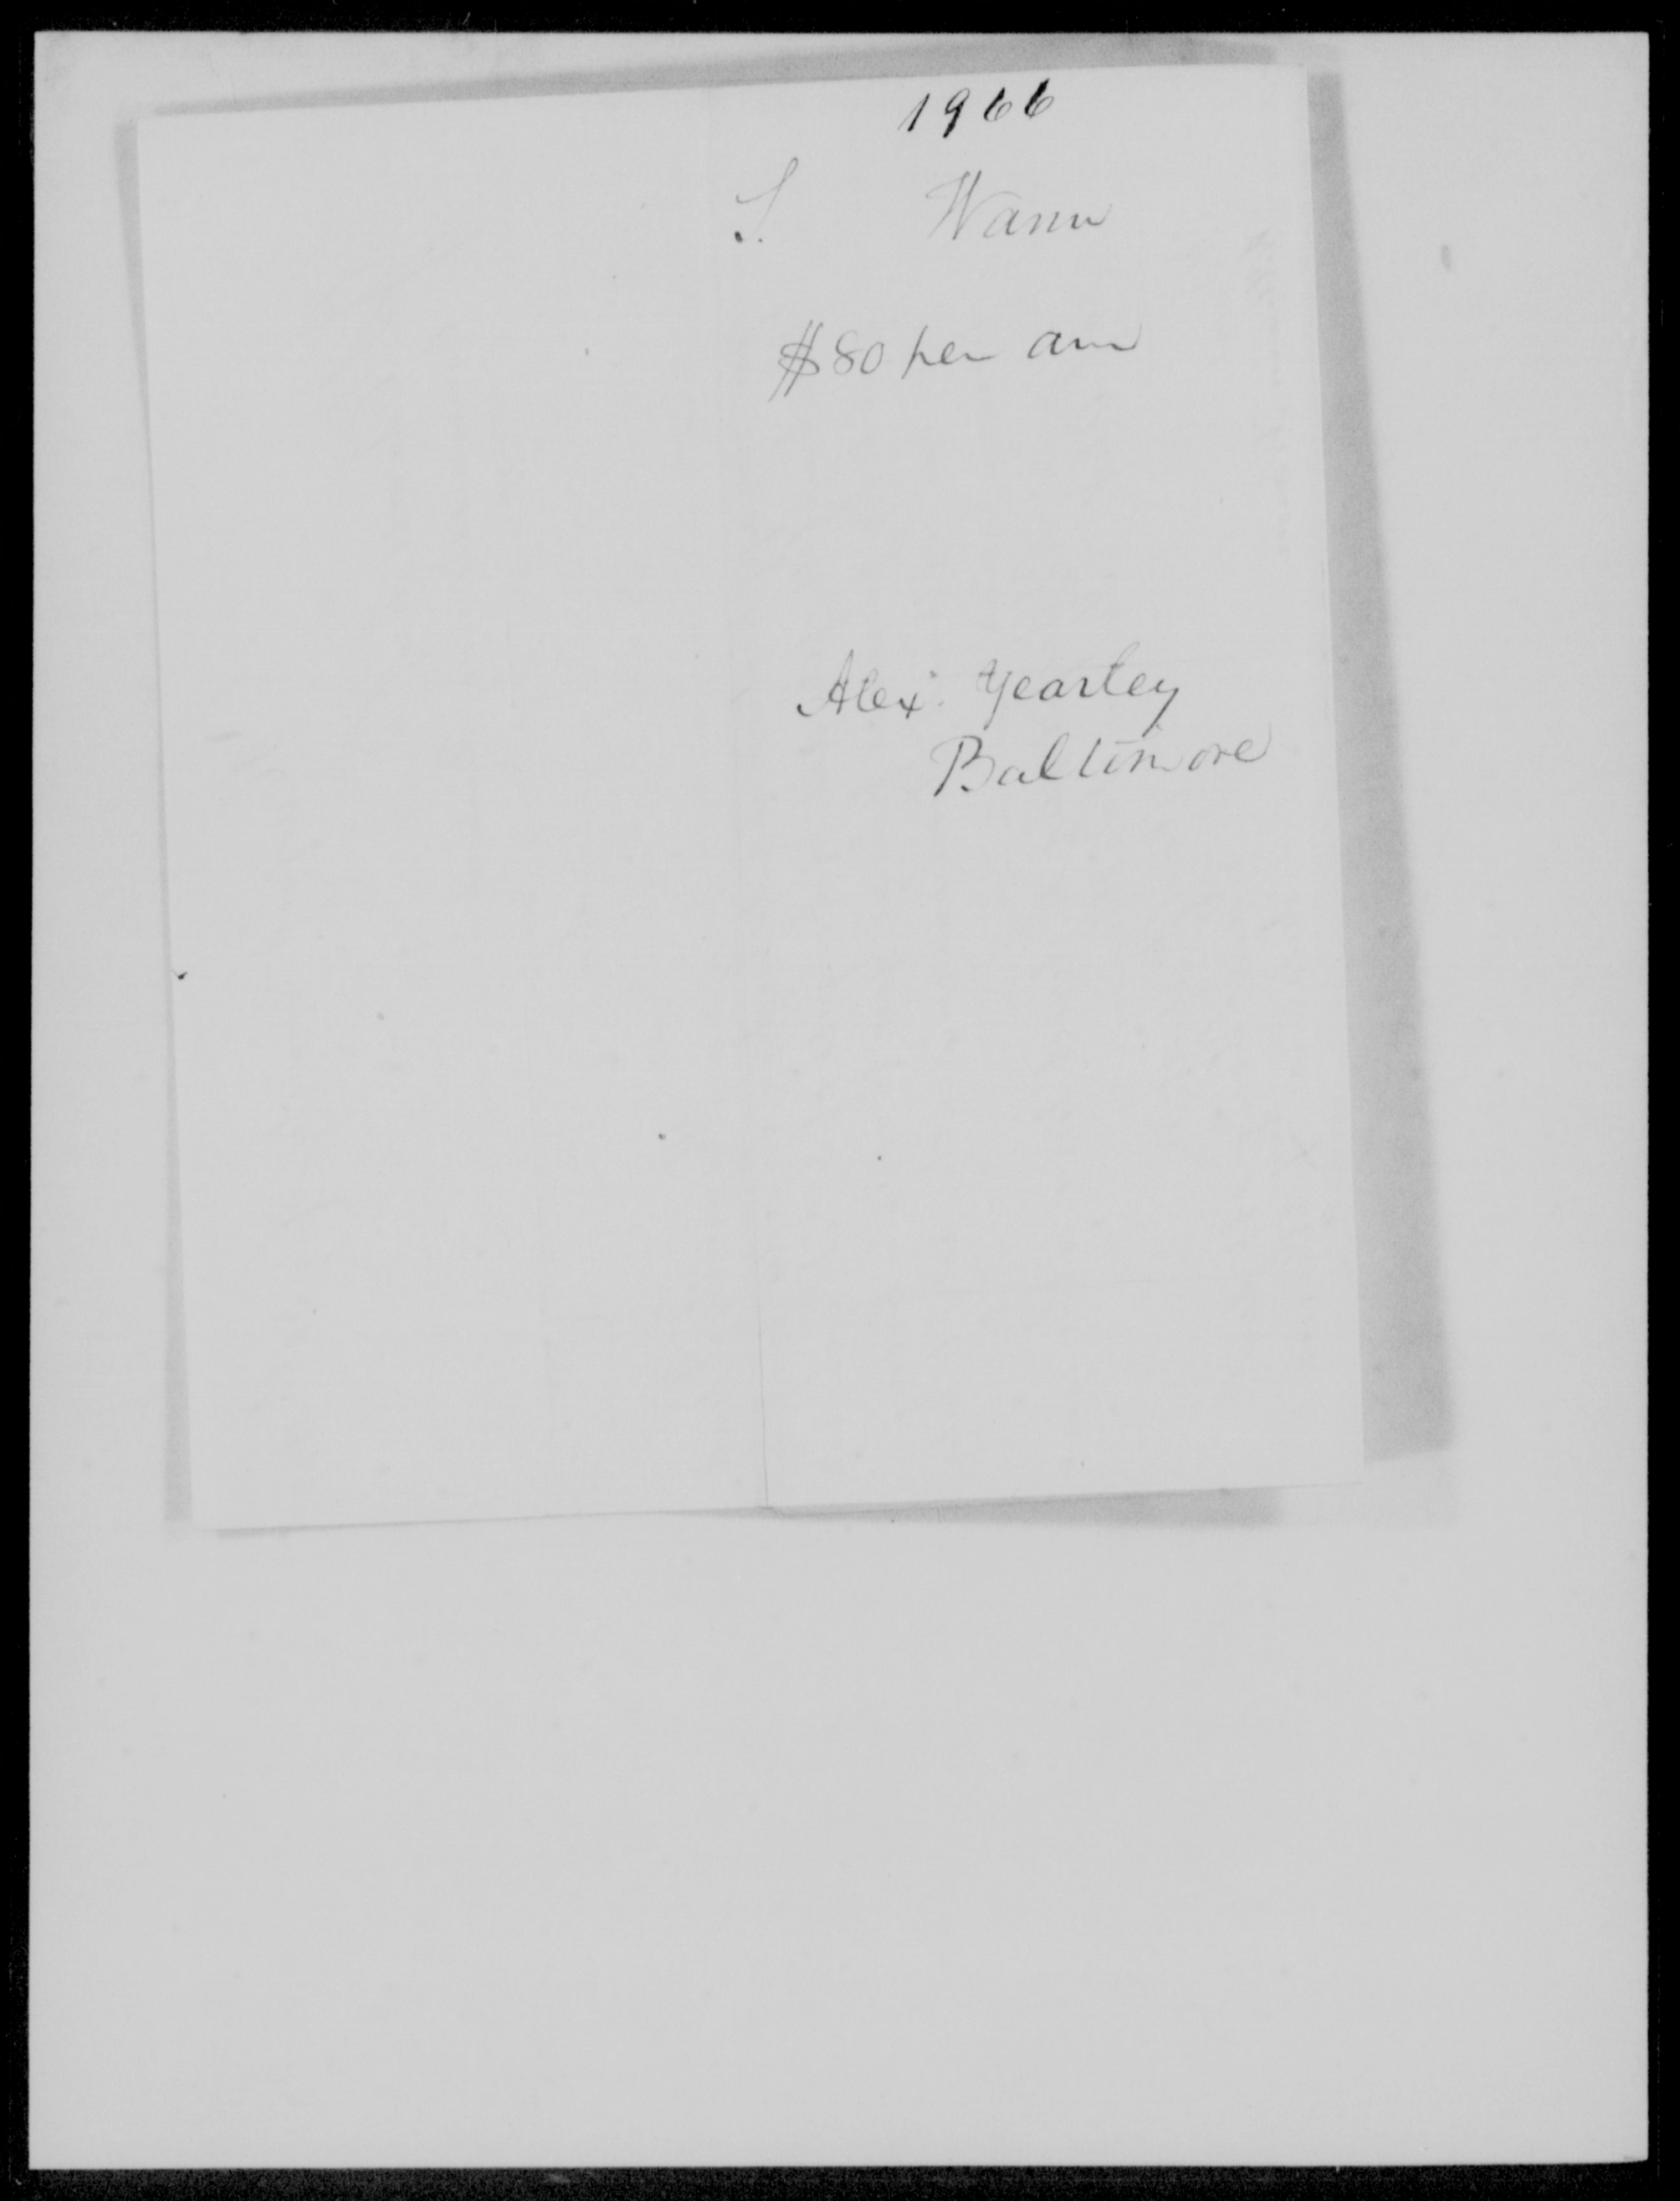1966
S. Wann
$80 per ann [annum] 
Alex Yearley
Baltimore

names: S Wann, Alexr Yearley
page: 23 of 38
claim: widow's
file: W. 3899, John Wann, Penn.